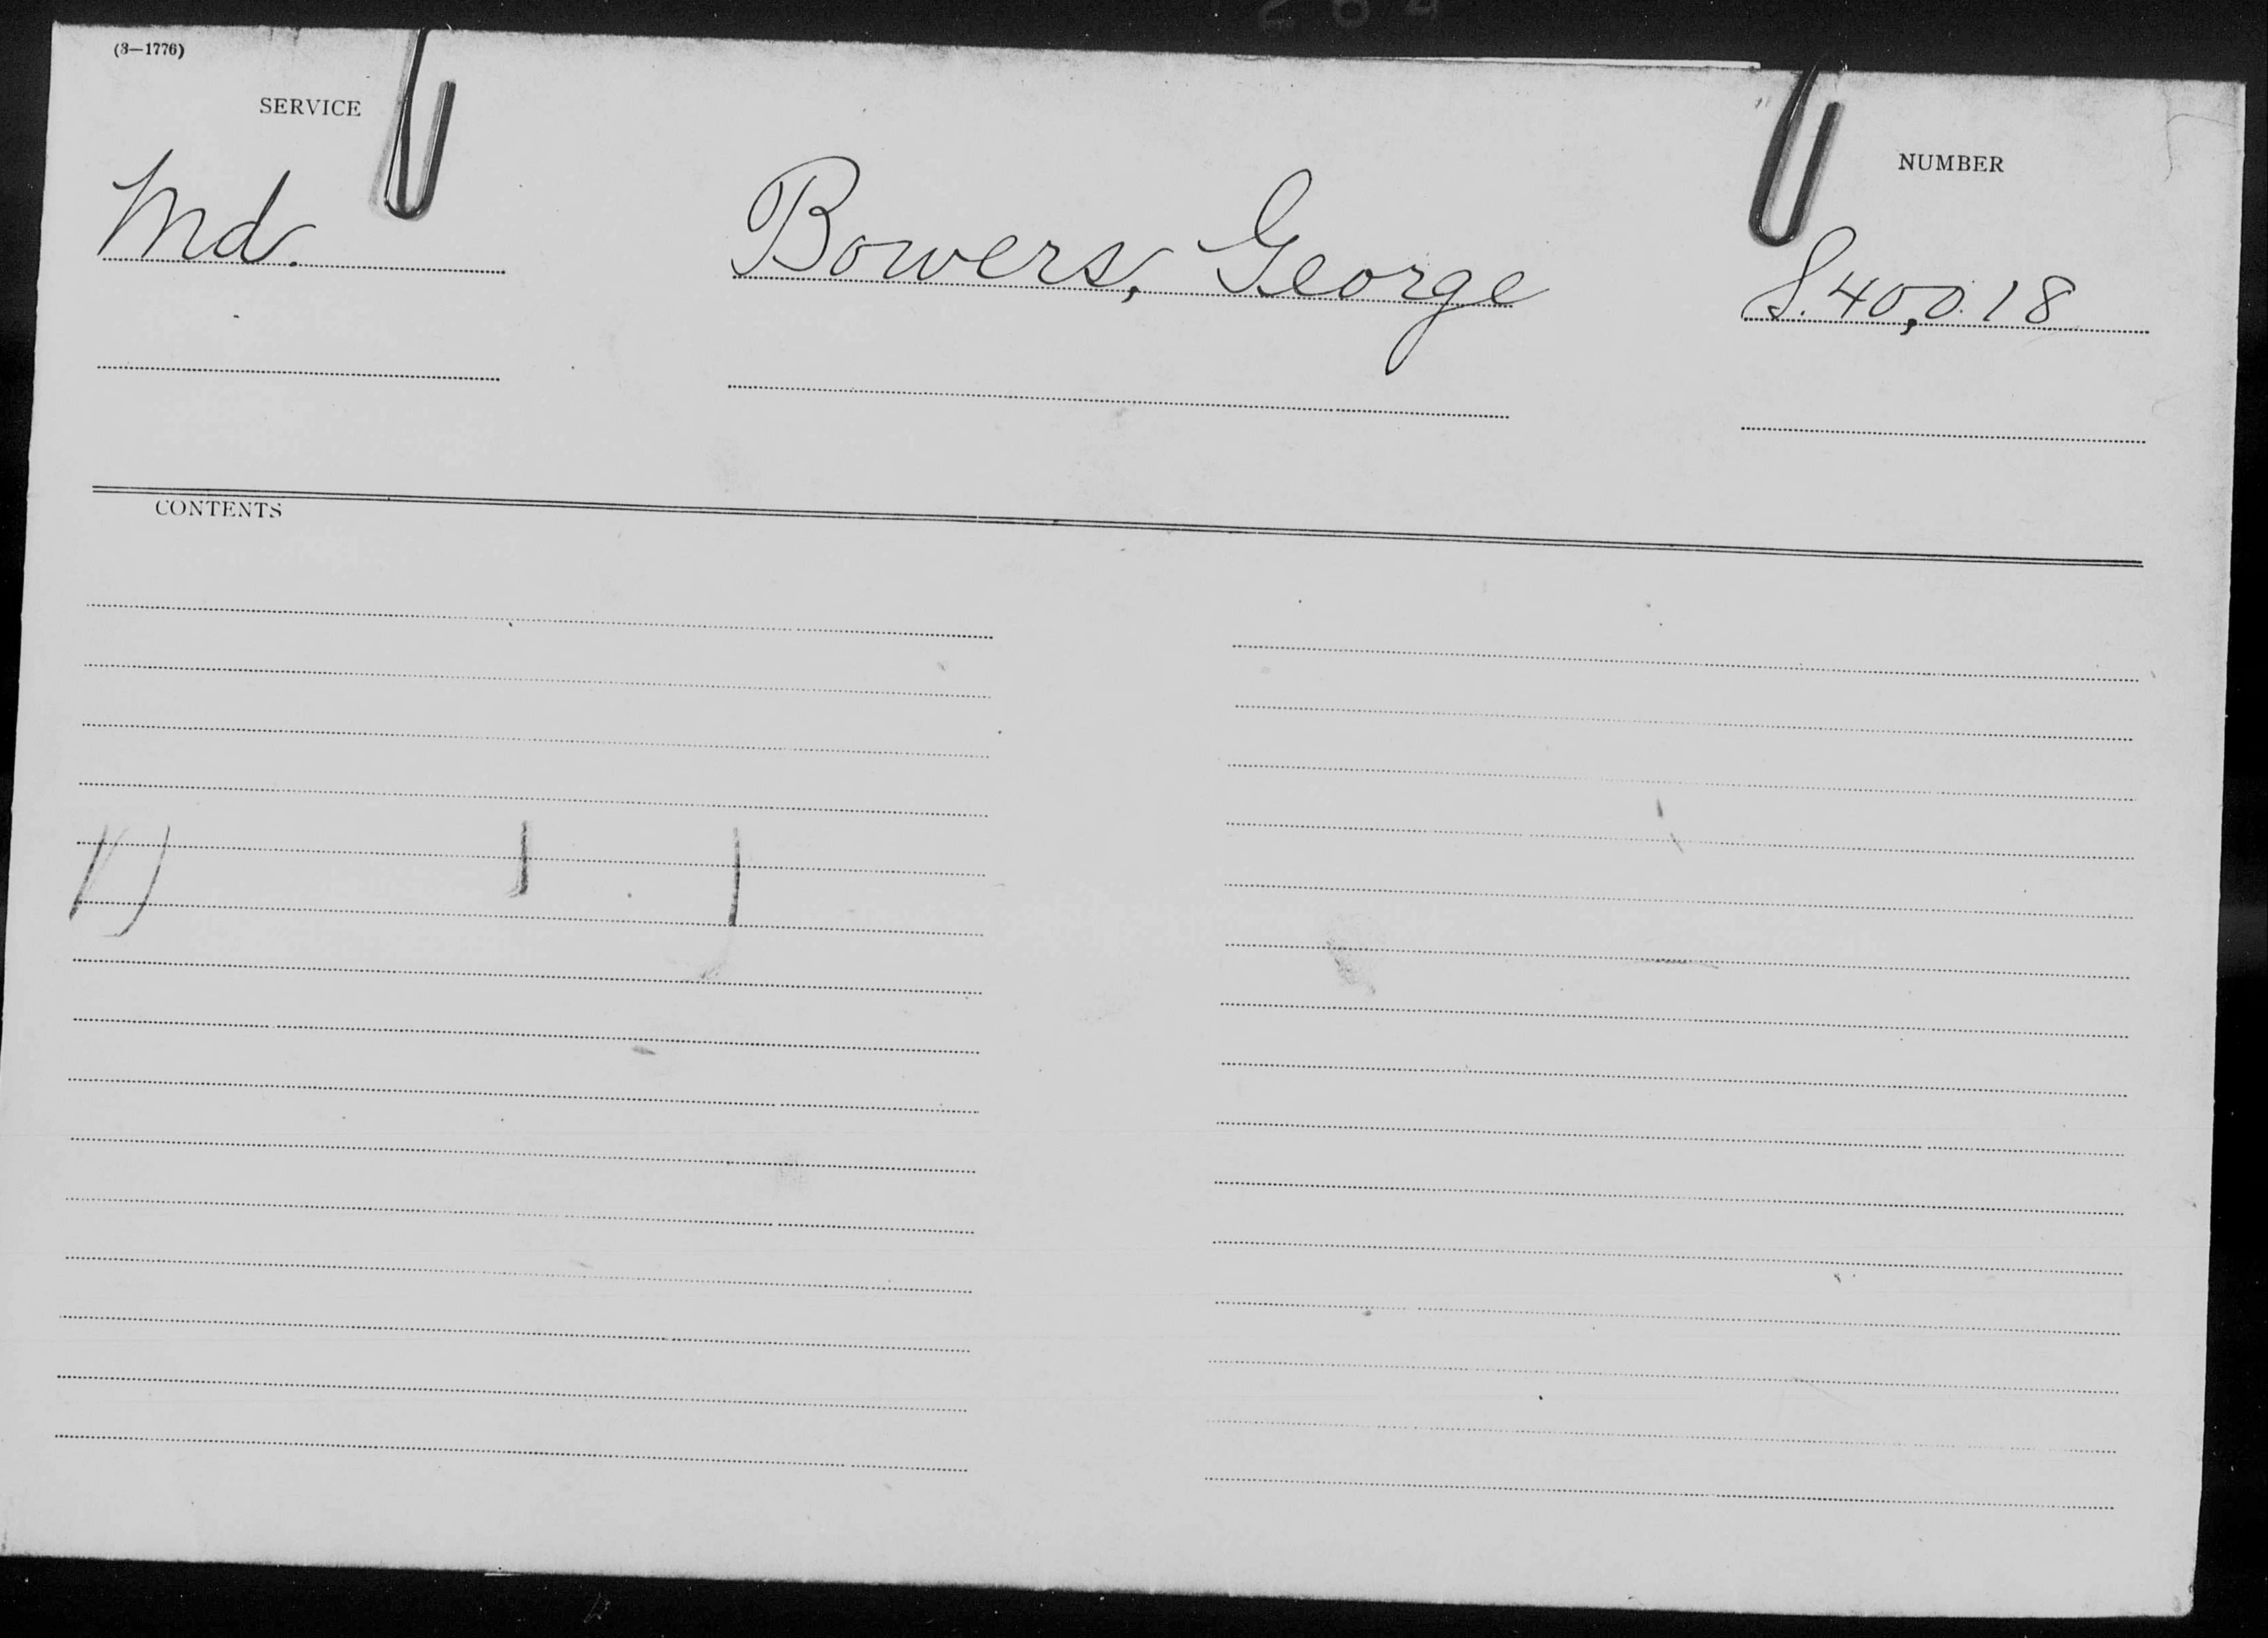(3-1776)
Service
Md.
Bowers, George
Number
S. 40,018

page: 1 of 19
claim: survivor's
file: S. 40,018, George Bowers, Md